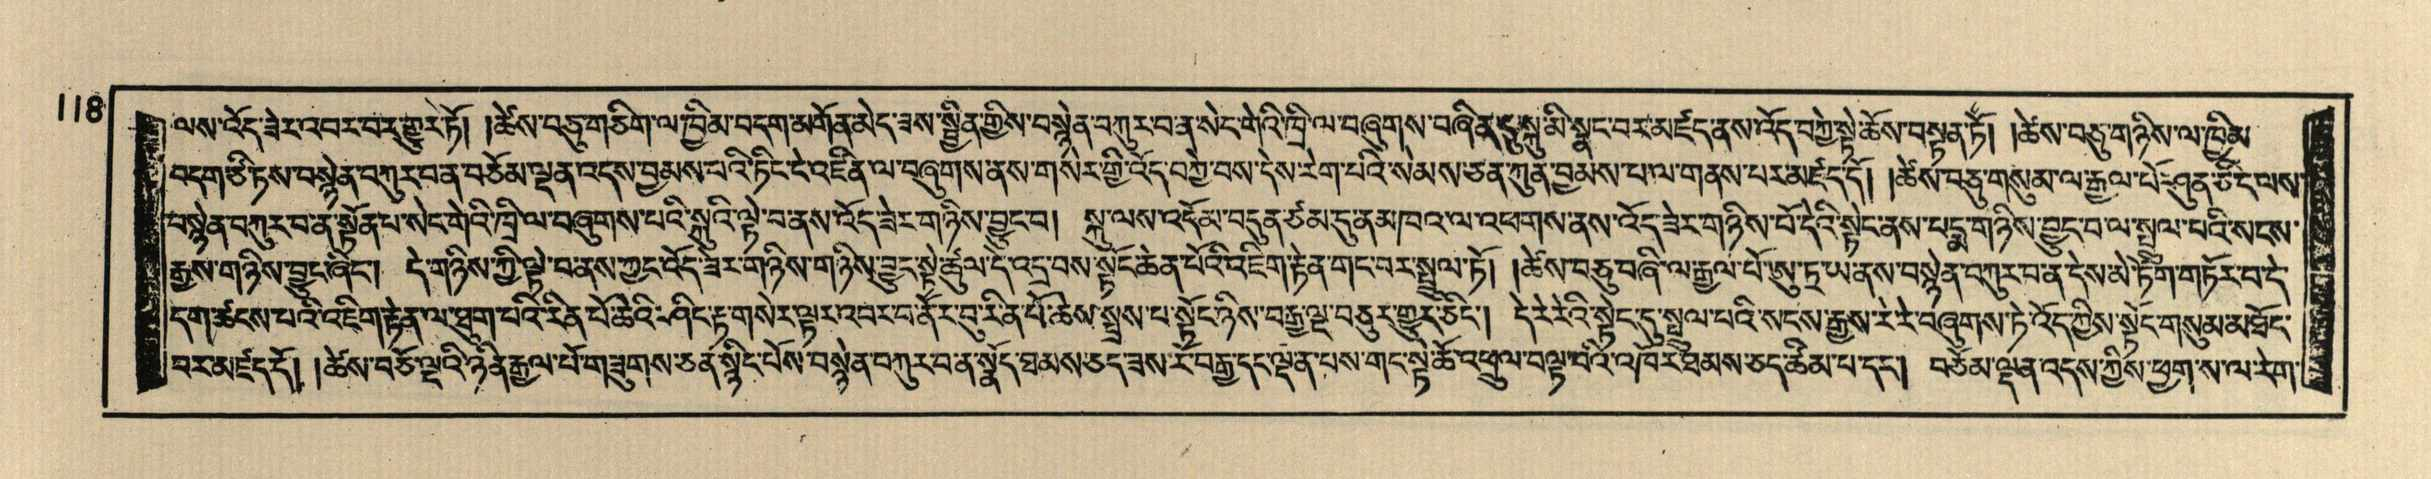ལས་འོད་ཟེར་འབར་བར་གྱུར་ཏོ། །ཚེས་བཅུ་གཅིག་ལ་ཁྱིམ་བདག་མགོན་མེད་ཟས་སྦྱིན་གྱིས་བསྙེན་བཀུར་བ་ན་སེང་གེའི་ཁྲི་ལ་བཞུགས་བཞིན་དུ་སྐུ་མི་སྣང་བར་མཛད་ནས་འོད་བཀྱེ་སྟེ་ཆོས་བསྟན་ཏོ། །ཚེས་བཅུ་གཉིས་ལ་ཁྱིམ་
བདག་ཙི་ཏས་བསྙེན་བཀུར་བ་ན་བཅོམ་ལྡན་འདས་བྱམས་པའི་ཏིང་ངེ་འཛིན་ལ་བཞུགས་ནས་གསེར་གྱི་འོད་བཀྱེ་བས་དེས་རེག་པའི་སེམས་ཅན་ཀུན་བྱམས་པ་ལ་གནས་པར་མཛད་དོ། །ཚེས་བཅུ་གསུམ་ལ་རྒྱལ་པོ་ཤུན་ཅིང་ལས་
བསྙེན་བཀུར་བ་ན་སྟོན་པ་སེང་གེའི་ཁྲི་ལ་བཞུགས་པའི་སྐུའི་ལྟེ་བ་ནས་འོད་ཟེར་གཉིས་བྱུང་བ། སྐུ་ལས་འདོམ་བདུན་ཙམ་དུ་ན་མཁའ་ལ་འཕགས་ནས་འོད་ཟེར་གཉིས་པོ་དེའི་སྟེང་ནས་པདམ་གཉིས་བྱུང་བ་ལ་སྤྲུལ་པའི་སངས་
རྒྱས་གཉིས་བྱུང་ཞིང་། དེ་གཉིས་ཀྱི་ལྟེ་བ་ནས་ཀྱང་འོད་ཟེར་གཉིས་གཉིས་བྱུང་སྟེ་ཚུལ་དེ་འདྲ་བས་སྟོང་ཆེན་པོའི་འཇིག་རྟེན་གང་བར་སྤྲུལ་ཏོ། །ཚེས་བཅུ་བཞི་ལ་རྒྱལ་པོ་ཨུ་ཏྲ་ཡ་ནས་བསྙེན་བཀུར་བ་ན་དེས་མེ་ཏོག་གཏོར་བ་དེ་
དག་ཚངས་པའི་འཇིག་རྟེན་ལ་ཐུག་པའི་རིན་པོ་ཆེའི་ཤིང་རྟ་གསེར་ལྟར་འབར་བ་ནོར་བུ་རིན་པོ་ཆེས་སྤྲས་པ་སྟོན་གཉིས་བརྒྱ་ལྔ་བཅུར་གྱུར་ཅིང་། དེ་རེ་རེའི་སྟེང་དུ་སྤྲུལ་པའི་སངས་རྒྱས་རེ་རེ་བཞུགས་ཏེ་འོད་ཀྱིས་སྟོང་གསུམ་མཐོང་
བར་མཛད་དོ། །ཚེས་བཅོམ་ལྔའི་ཉིན་རྒྱལ་པོ་གཟུགས་ཅན་སྙིང་པོས་བསྙེན་བཀུར་བ་ན་སྣོད་ཐམས་ཅད་ཟས་རོ་བརྒྱ་དང་ལྡན་པས་གང་སྟེ་ཆོ་འཕྲུལ་བལྟ་བའི་འཁོར་ཐམས་ཅད་ཚིམ་པ་དང་། བཅོམ་ལྡན་འདས་ཀྱིས་ཕྱག་ས་ལ་རེག་